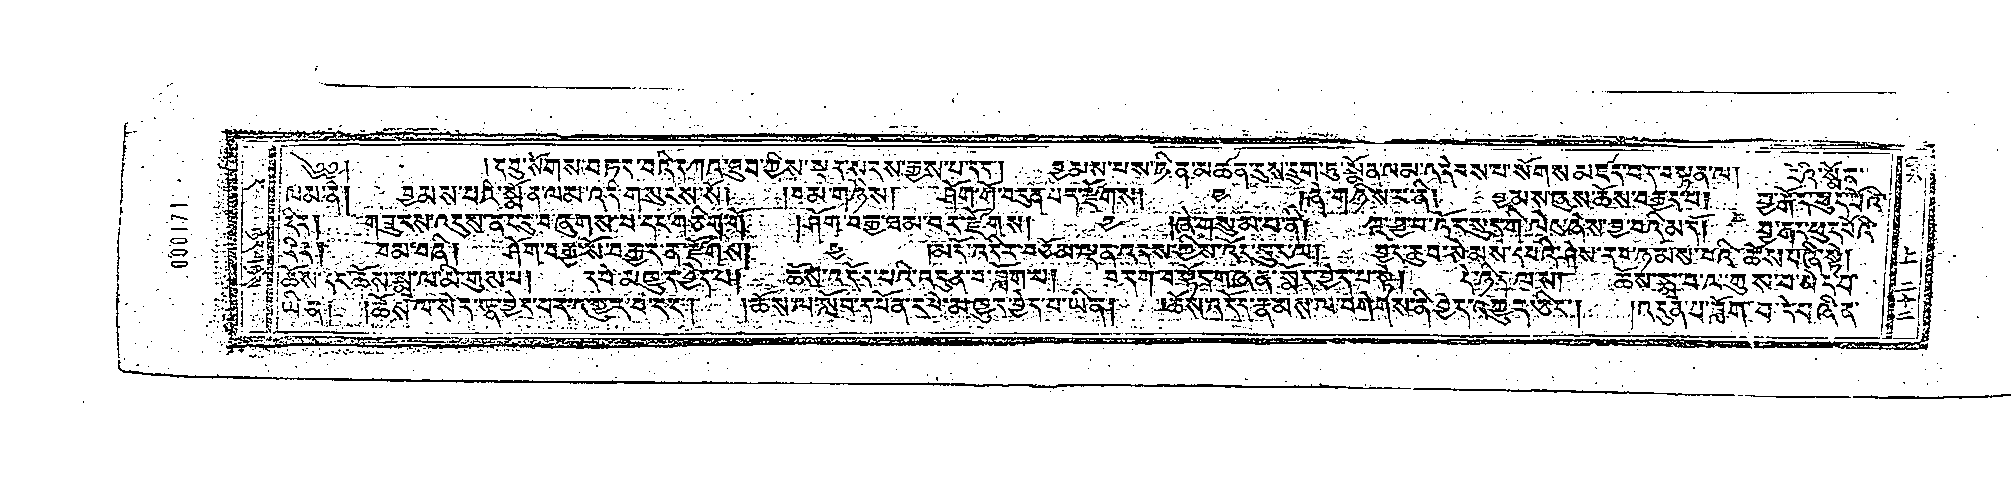༄༅། །དབུ་སོགས་བཏང་བའི་དཀའ་ཐུབ་ཀྱིས་སྔར་སངས་རྒྱས་པ་དང་། བྱམས་པས་ཉིན་མཚན་དུས་དྲུག་ཏུ་སྨོན་ལམ་འདེབས་པ་སོགས་མཛད་བར་བསྟན་ལ། དེའི་སྨོན་
ལམ་ནི། བྱམས་པའི་སྨོན་ལམ་འདི་གསུངས་སོ། །བམ་གཉིས། ཤོག་གོ་བདུན་པར་རྫོགས། ༧་།ཞེ་གཉིས་པ་ནི། བྱམས་ཞུས་ཆོས་བརྒྱད་པ། བྱ་རྒོད་ཕུང་པོའི་
རིར། གཟུངས་འདུས་ནང་དུ་བཞུགས་པ་དང་གཅིག་གོ །ཤོག་བརྒྱ་ཐམ་བར་རྫོགས། ༧་།ཞེ་གསུམ་པ་ནི། ཀཱ་ཤྱ་པ་འོད་སྲུང་གི་ལེའུ་ཞེས་བྱ་བའི་མདོ། བྱ་རྒད་ཕུང་པོའི་
རིར། བམ་བཞི། ཤོག་བརྒྱ་སོ་བརྒྱད་ན་རྫོགས། ༧་།མདོ་འདིར་བཅོམ་ལྡན་འདས་ཀྱིས་འོད་སྲུང་ལ། བྱང་ཆུབ་སེམས་དཔའི་ཤེས་རབ་ཉམས་པའི་ཆོས་བཞི་སྟེ།
ཆོས་དང་ཆོས་སྨྲ་ལ་མི་གུས་པ། དཔེ་མཁྱུད་བྱེད་པ། ཆོས་འདོད་པའི་འདུན་བ་ཟློག་པ། བདག་བསྟོད་གཞན་སྨོད་བྱེད་པ་སྟེ། དེ་ཉིད་ལས། ཆོས་སྨྲ་བ་ལ་གུས་པ་མེད་པ་
ཡིན། །ཆོས་ལ་སེར་སྣ་བྱེད་པར་འགྱུར་བ་དང་། །ཆོས་ལ་སློབ་དཔོན་དཔེ་མཁྱུད་བྱེད་པ་ཡིན། །ཆོས་འདོད་རྣམས་ལ་བགེགས་ནི་བྱེད་འགྱུར་ཅིང་། །འདུན་པ་ཟློག་བ་དེ་བཞིན་